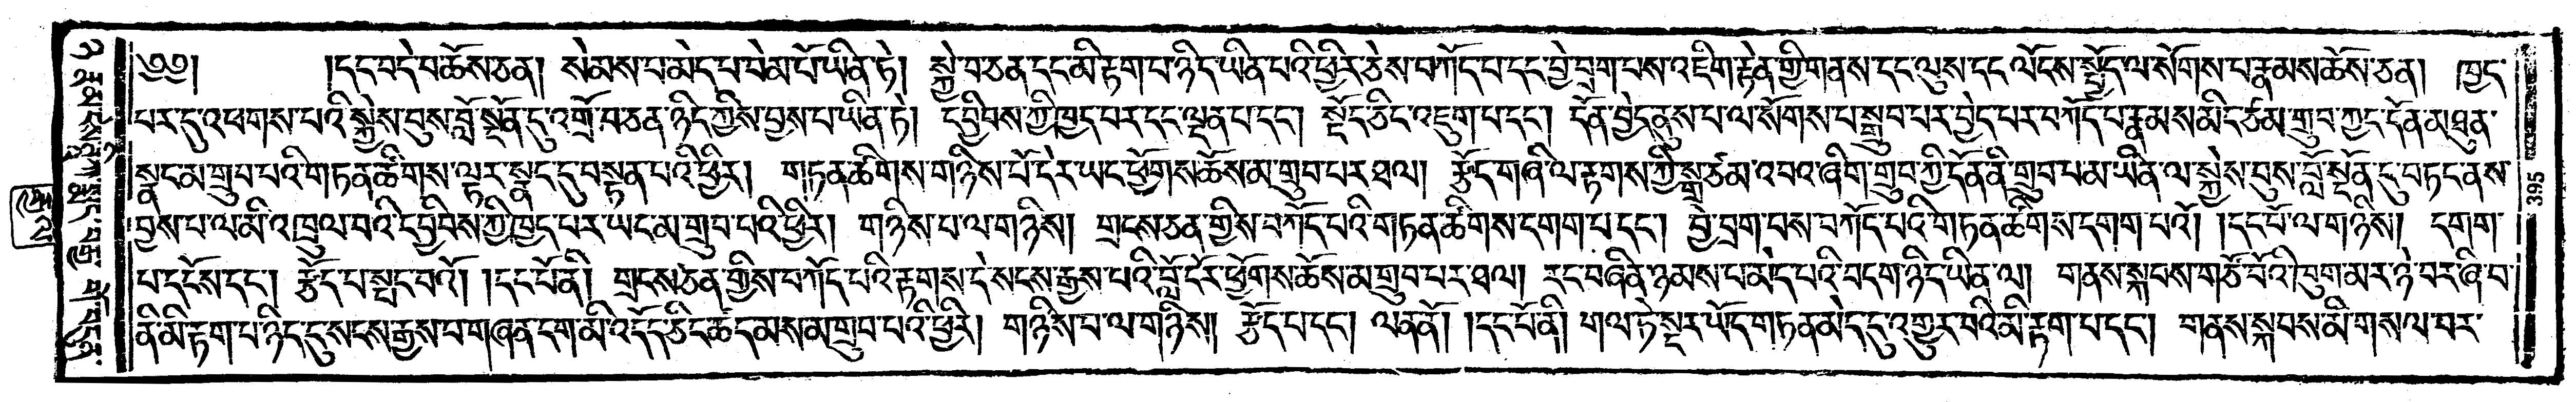༄༅། །དང་བདེ་བ་ཆོས་ཅན། སེམས་པ་མེད་པ་བེམ་པོ་ཡིན་ཏེ། སྐྱེ་བ་ཅན་དང་མི་རྟག་པ་ཉིད་ཡིན་པའི་ཕྱིར་ཅེས་བཀོད་པ་དང་བྱེ་བྲག་པས་འཇིག་རྟེན་གྱི་གནས་དང་ལུས་དང་ལོངས་སྤྱོད་ལ་སོགས་པ་རྣམས་ཆོས་ཅན། ཁྱད་
པར་དུ་འཕགས་པའི་སྐྱེས་བུས་བློ་སྔོན་དུ་འགྲོ་བ་ཅན་ཉིད་ཀྱིས་བྱས་པ་ཡིན་ཏེ། དབྱིབས་ཀྱི་ཁྱད་པར་དང་ལྡན་པ་དང་། སྡོད་ཅིང་འཇུག་པ་དང་། དོན་བྱེད་ནུས་པ་ལ་སོགས་པ་སྒྲུབ་པར་བྱེད་པར་བཀོད་པ་རྣམས་མིང་ཙམ་གྲུབ་ཀྱང་དོན་མཐུན་
སྣང་མ་གྲུབ་པའི་གཏན་ཚིགས་ལྟར་སྣང་དུ་བསྟན་པའི་ཕྱིར། གཏན་ཚིགས་གཉིས་པོ་དེར་ཡང་ཕྱོགས་ཆོས་མ་གྲུབ་པར་ཐལ། རྩོད་གཞི་ལ་རྟགས་ཀྱི་སྒྲ་ཙམ་འབའ་ཞིག་གྲུབ་ཀྱི་དོན་ནི་གྲུབ་པ་མ་ཡིན་ལ་སྐྱེས་བུས་བློ་སྔོན་དུ་བཏང་ནས་
བྱས་པ་ལ་མི་འཁྲུལ་བའི་དབྱིབས་ཀྱི་ཁྱད་པར་ཡང་མ་གྲུབ་པའི་ཕྱིར། གཉིས་པ་ལ་གཉིས། གྲངས་ཅན་གྱིས་བཀོད་པའི་གཏན་ཚིགས་དགག་པ་དང་། བྱེ་བྲག་པས་བཀོད་པའི་གཏན་ཚིགས་དགག་པའོ། །དང་པོ་ལ་གཉིས། དགག་
པ་དངོས་དང་། རྩོད་པ་སྤང་བའོ། །དང་པོ་ནི། གྲངས་ཅན་གྱིས་བཀོད་པའི་རྟགས་དེ་སངས་རྒྱས་པའི་བློ་ངོར་ཕྱོགས་ཆོས་མ་གྲུབ་པར་ཐལ། རང་བཞིན་ཉམས་པ་མེད་པའི་བདག་ཉིད་ཡིན་ལ། གནས་སྐབས་གཙོ་བོའི་ཁུག་མར་ཉེ་བར་ཞི་བ་
ནི་མི་རྟག་པ་ཉིད་དུ་སངས་རྒྱས་པ་གཞན་དག་མི་འདོད་ཅིང་ཚད་མས་མ་གྲུབ་པའི་ཕྱིར། གཉིས་པ་ལ་གཉིས། རྩོད་པ་དང་། ལན་ནོ། །དང་པོ་ནི། གལ་ཏེ་སྔར་ཡོད་གཏན་མེད་དུ་འགྱུར་བའི་མི་རྟག་པ་དང་། གནས་སྐབས་མི་གསལ་བར་